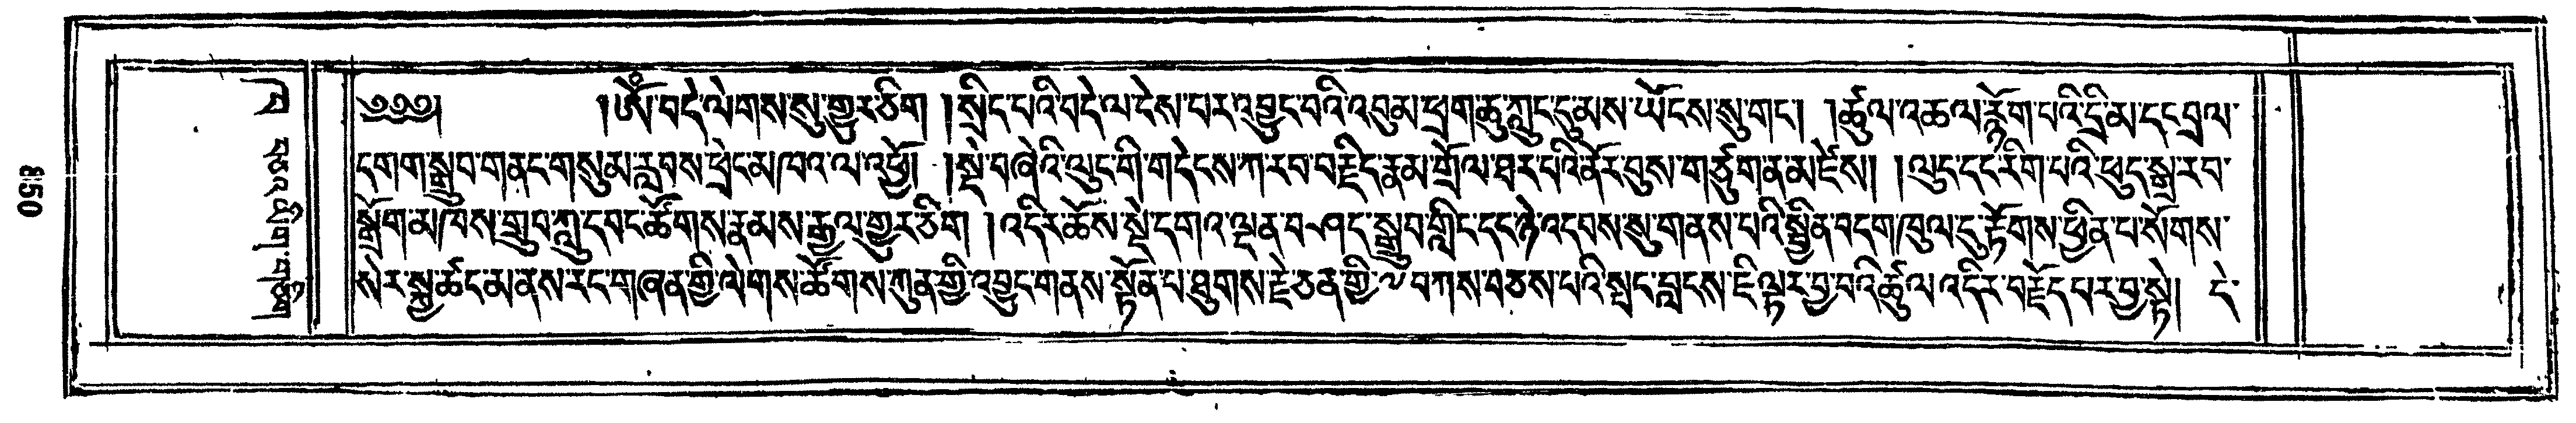༄༅༅། །ཨོཾ་བདེ་ལེགས་སུ་གྱུར་ཅིག །སྲིད་པའི་བདེ་ལ་ངེས་པར་འབྱུང་བའི་འབུམ་ཕྲག་ཆུ་ཀླུང་དུ་མས་ཡོངས་སུ་གང་། །ཚུལ་འཆལ་རྙོག་པའི་དྲི་མ་དང་བྲལ་
དགག་སྒྲུབ་གནང་གསུམ་རླབས་ཕྲེང་མཁའ་ལ་འཕྱོ། །སྡེ་བཞེའི་ལུང་གི་གདེངས་ཀ་རབ་བརྗིད་རྣམ་གྲོལ་ཐར་པའི་ནོར་བུས་གཙུག་ན་མཛེས། །ལུང་དང་རིག་པའི་ཕུད་སྒྲ་རབ་
སྒྲོག་མཁས་གྲུབ་ཀླུ་དབང་ཚོགས་རྣམས་རྒྱལ་གྱུར་ཅིག །འདིར་ཆོས་སྡེ་དགའ་ལྡན་བཤད་སྒྲུབ་གླིང་དང་ཉེ་འདབས་སུ་གནས་པའི་སྦྱིན་བདག་ཁུལ་དུ་རྟོགས་ཕྱིན་པ་སོགས་
སེར་སྐྱ་ཚང་མ་ནས་རང་གཞན་གྱི་ལེགས་ཚོགས་ཀུན་གྱི་འབྱུང་གནས་སྟོན་པ་ཐུགས་རྗེ་ཅན་གྱི་༧་བཀས་བཅས་པའི་སྤང་བླངས་ཇི་ལྟར་བྱ་བའི་ཚུལ་འདིར་བརྗོད་པར་བྱ་སྟེ། དེ་